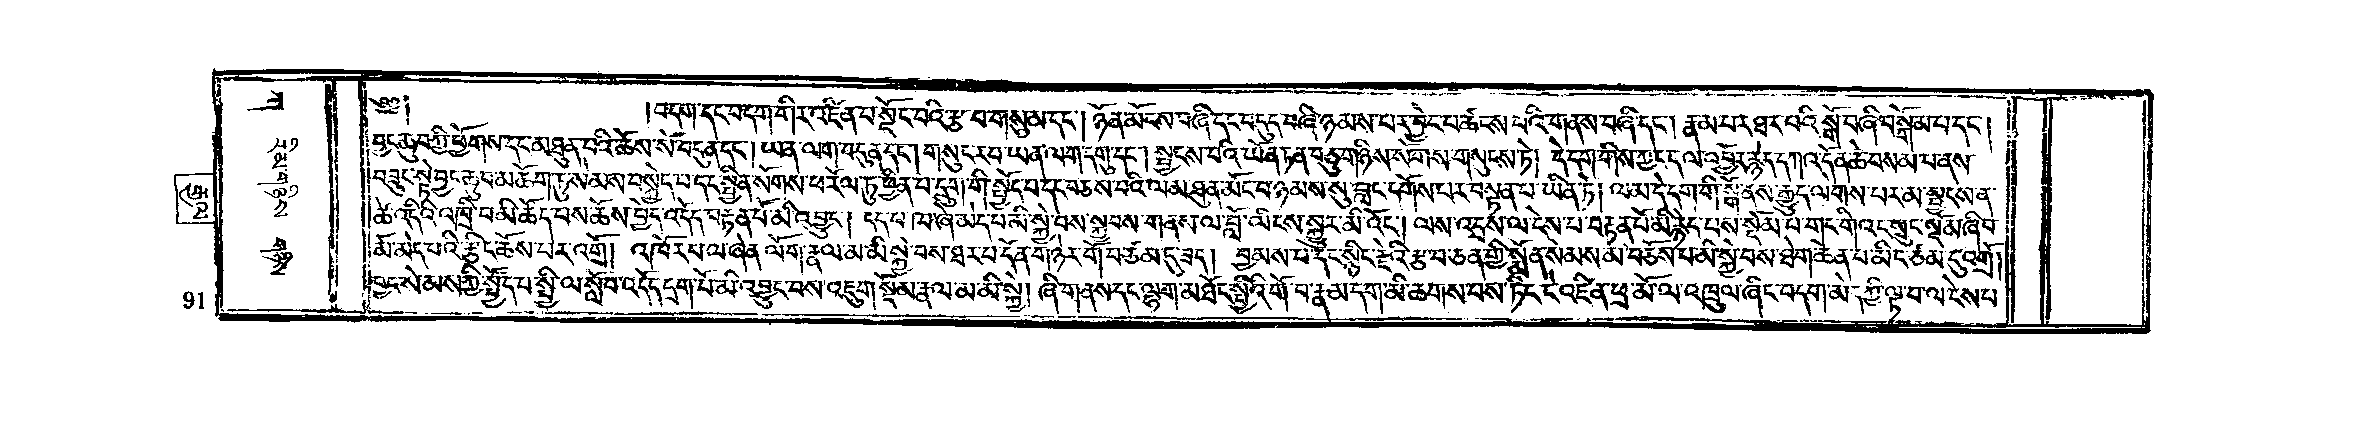༄༅། །བདག་དང་བདག་གིར་འཛིན་པ་སྔོང་བའི་རྩ་བ་གསུམ་དང་། ཉོན་མོངས་བཞི་དང་བདུད་བཞི་ཉམས་པར་བྱེད་པ་ཚངས་པའི་གནས་བཞི་དང་། རྣམ་པར་ཐར་པའི་སྒོ་བཞི་བསྒོམ་པ་དང་།
བྱང་ཆུབ་ཀྱི་ཕྱོགས་དང་མཐུན་པའི་ཆོས་སོ་བདུན་དང་། ཡན་ལག་བདུན་དང་། གསུང་རབ་ཡན་ལག་དགུ་དང་། སྦྱངས་པའི་ཡོན་ཏན་བཅུ་གཉིས་སོགས་གསུངས་ཏེ། དེ་དག་གིས་ཀྱང་དལ་འབྱོར་རྙེད་དཀའ་དོན་ཆེ་བསམ་པ་ནས་
བཟུང་སྟེ་བྱང་ཆུབ་མཆོག་ཏུ་སེམས་བསྐྱེད་པ་དང་སྦྱིན་སོགས་ཕ་རོལ་ཏུ་ཕྱིན་པ་དྲུག་གི་སྤྱོད་པ་དང་བཅས་པའི་ལམ་ཐུན་མོང་བ་ཉམས་སུ་བླང་དགོས་པར་བསྟན་པ་ཡིན་ཏེ། ལམ་དེ་དག་གི་སྒོ་ནས་རྒྱུད་ལེགས་པར་མ་སྦྱངས་ན་
ཚེ་འདིའི་འཁྲི་བ?་མི་ཆོད་པས་ཆོས་བྱེད་འདོད་བརྟན་པོ་མི་འབྱུང་། དད་པ་ཁ་ཞེ་མེད་པ་མི་སྐྱེ་བས་སྐྱབས་གནས་ལ་བློ་ལིངས་སྐྱུར་མི་འོང་། ལས་འདྲས་ལ་ངེས་པ་བརྟན་པོ་མི་རྙེད་པས་སྡོམ་པ་གང་གིའང་སྲུང་སྡོམ་ཞིབ་
མོ་མེད་པའི་རྩིད?་ཆོས་པར་འགྲོ། འཁོར་བ་ལ་ཞེན་ལོག་རྣལ་མ་མི་སྐྱེ་བས་ཐར་པ་དོན་གཉེར་གོ་བ་ཙམ་དུ་ཟད། བྱམས་པ་དང་སྙིང་རྗེའི་རྩ་བ་ཅན་གྱི་སྨོན་སེམས་མ་བཅོས་པ་མི་སྐྱེ་བས་ཐེག་ཆེན་པ་མིང་ཙམ་དུ་འགྲོ།
བྱང་སེམས་ཀྱི་སྤྱོད་པ་སྤྱི་ལ་སློབ་འདོད་དྲག་པོ་མི་འབྱུང་བས་འཇུག་སྡོམ་རྣལ་མ་མི་སྐྱེ། ཞི་གནས་དང་ལྷག་མཐོང་སྤྱིའི་གོ་བ་རྣམ་དག་མི་ཆགས་པས་ཏིང་ངེ་འཛིན་ཕྲ་མོ་ལ་འཁྲུལ་ཞིང་བདག་མེད་ཀྱི་ལྟ་བ་ལ་ངེས་པ་